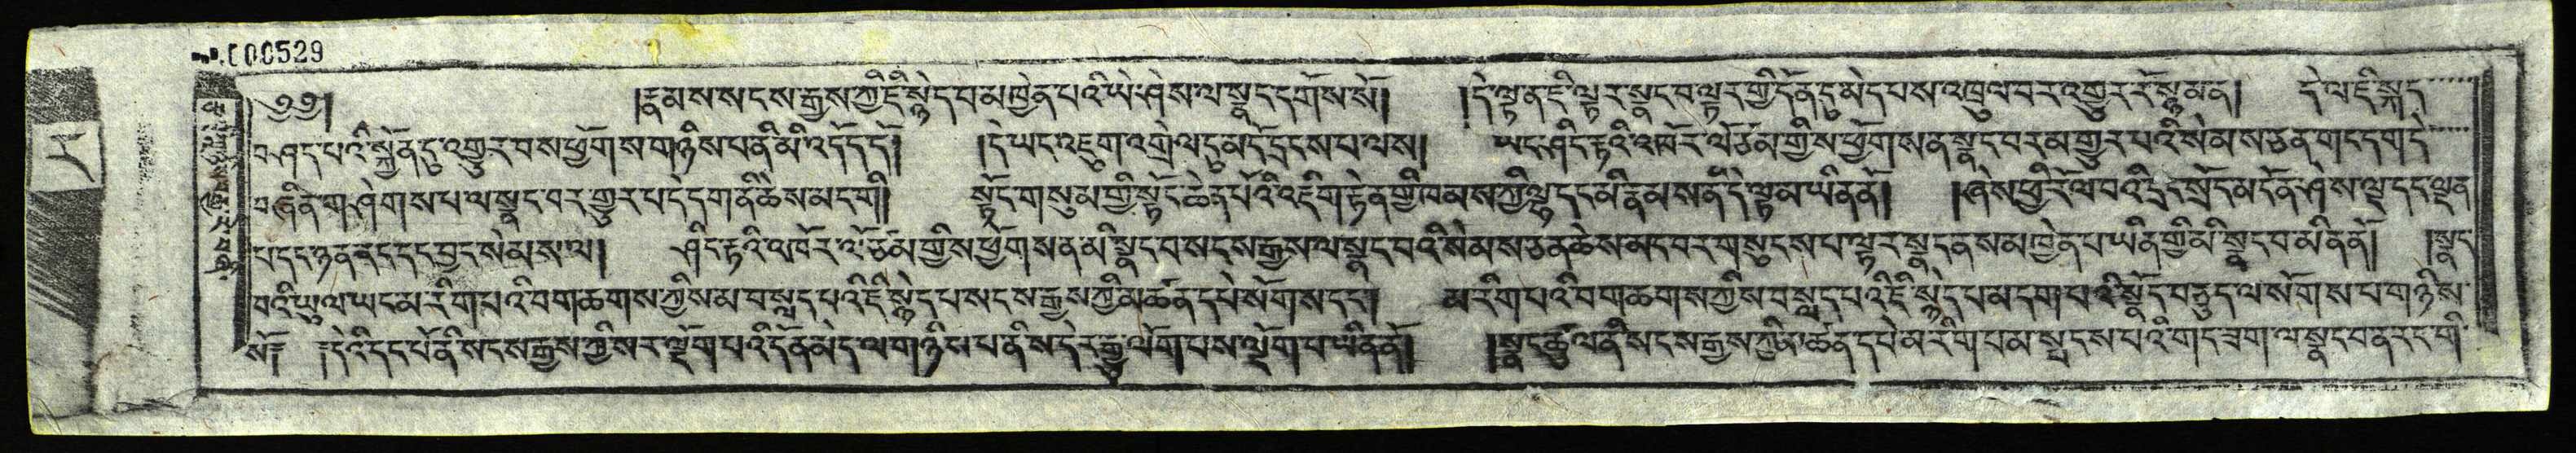༄༅། །རྣམས་སངས་རྒྱས་ཀྱི་ཇི་སྙེད་པ་མཁྱེན་པའི་ཡེ་ཤེས་ལ་སྣང་དགོས་སོ། །དེ་ལྟ་ན་ཇི་ལྟར་སྣང་བ་ལྟར་གྱི་དོན་དུ་མེད་པས་འཁྲུལ་བར་འགྱུར་རོ་སྙམ་ན། དེ་ལ་ཇི་སྐད་
བཤད་པའི་སྐྱོན་དུ་འགྱུར་བས་ཕྱོགས་གཉིས་པ་ནི་མི་འདོད་དེ། །དེ་ཡང་འཇུག་འགྲེལ་དུ་མདོ་དྲངས་པ་ལས། ཡང་ཤིང་རྟའི་འཁོར་ལོ་ཙམ་གྱི་ས་ཕྱོགས་ན་སྣང་བར་མ་གྱུར་པའི་སེམས་ཅན་གང་དག་དེ་
བཞིན་གཤེགས་པ་ལ་སྣང་བར་གྱུར་པ་དེ་དག་ནི་ཆེས་མང་གི། སྟོང་གསུམ་གྱི་སྟོང་ཆེན་པོའི་འཇིག་རྟེན་གྱི་ཁམས་ཀྱི་ལྷ་དང་མི་རྣམས་ནི་དེ་ལྟ་མ་ཡིན་ནོ། །ཞེས་ཕྱི་རོལ་པའི་དྲང་སྲོང་མངོན་ཤེས་ལྔ་དང་ལྡན་
པ་དང་ཉན་རང་དང་བྱང་སེམས་ལ། ཤིང་རྟའི་འཁོར་ལོ་ཙམ་གྱིས་ཕྱོགས་ན་མི་སྣང་བ་སངས་རྒྱས་ལ་སྣང་བའི་སེམས་ཅན་ཆེས་མང་བར་གསུངས་པ་ལྟར་སྣང་ནས་མཁྱེན་པ་ཡིན་གྱི་མི་སྣང་པ་མིན་ནོ། །སྣང་
བའི་ཡུལ་ཡང་མ་རིག་པའི་བག་ཆགས་ཀྱིས་མ་བ་སླད་པའི་ཇི་སྙེད་པ་སངས་རྒྱས་ཀྱི་མཚན་དཔེ་སོགས་དང་། མ་རིག་པའི་བག་ཆགས་ཀྱིས་བ་སླད་པའི་ཇི་སྙེད་པ་མ་དག་པའི་སྣོད་བཅུད་ལ་སོགས་པ་གཉིས་
སོ༑ ༑དེའི་དང་པོ་ནི་སངས་རྒྱས་ཀྱི་སར་ལྡོག་པའི་དོན་མེད་ལ་གཉིས་པ་ནི་ས་དེར་རྒྱུ་ལོག་པས་ལྡོག་པ་ཡིན་ནོ། །སྣང་ཚུལ་ནི་སངས་རྒྱས་ཀྱི་མཚན་དཔེ་མ་རིག་པ་མ་སྤངས་པའི་གང་ཟག་ལ་སྣང་བ་ན་རང་གི་